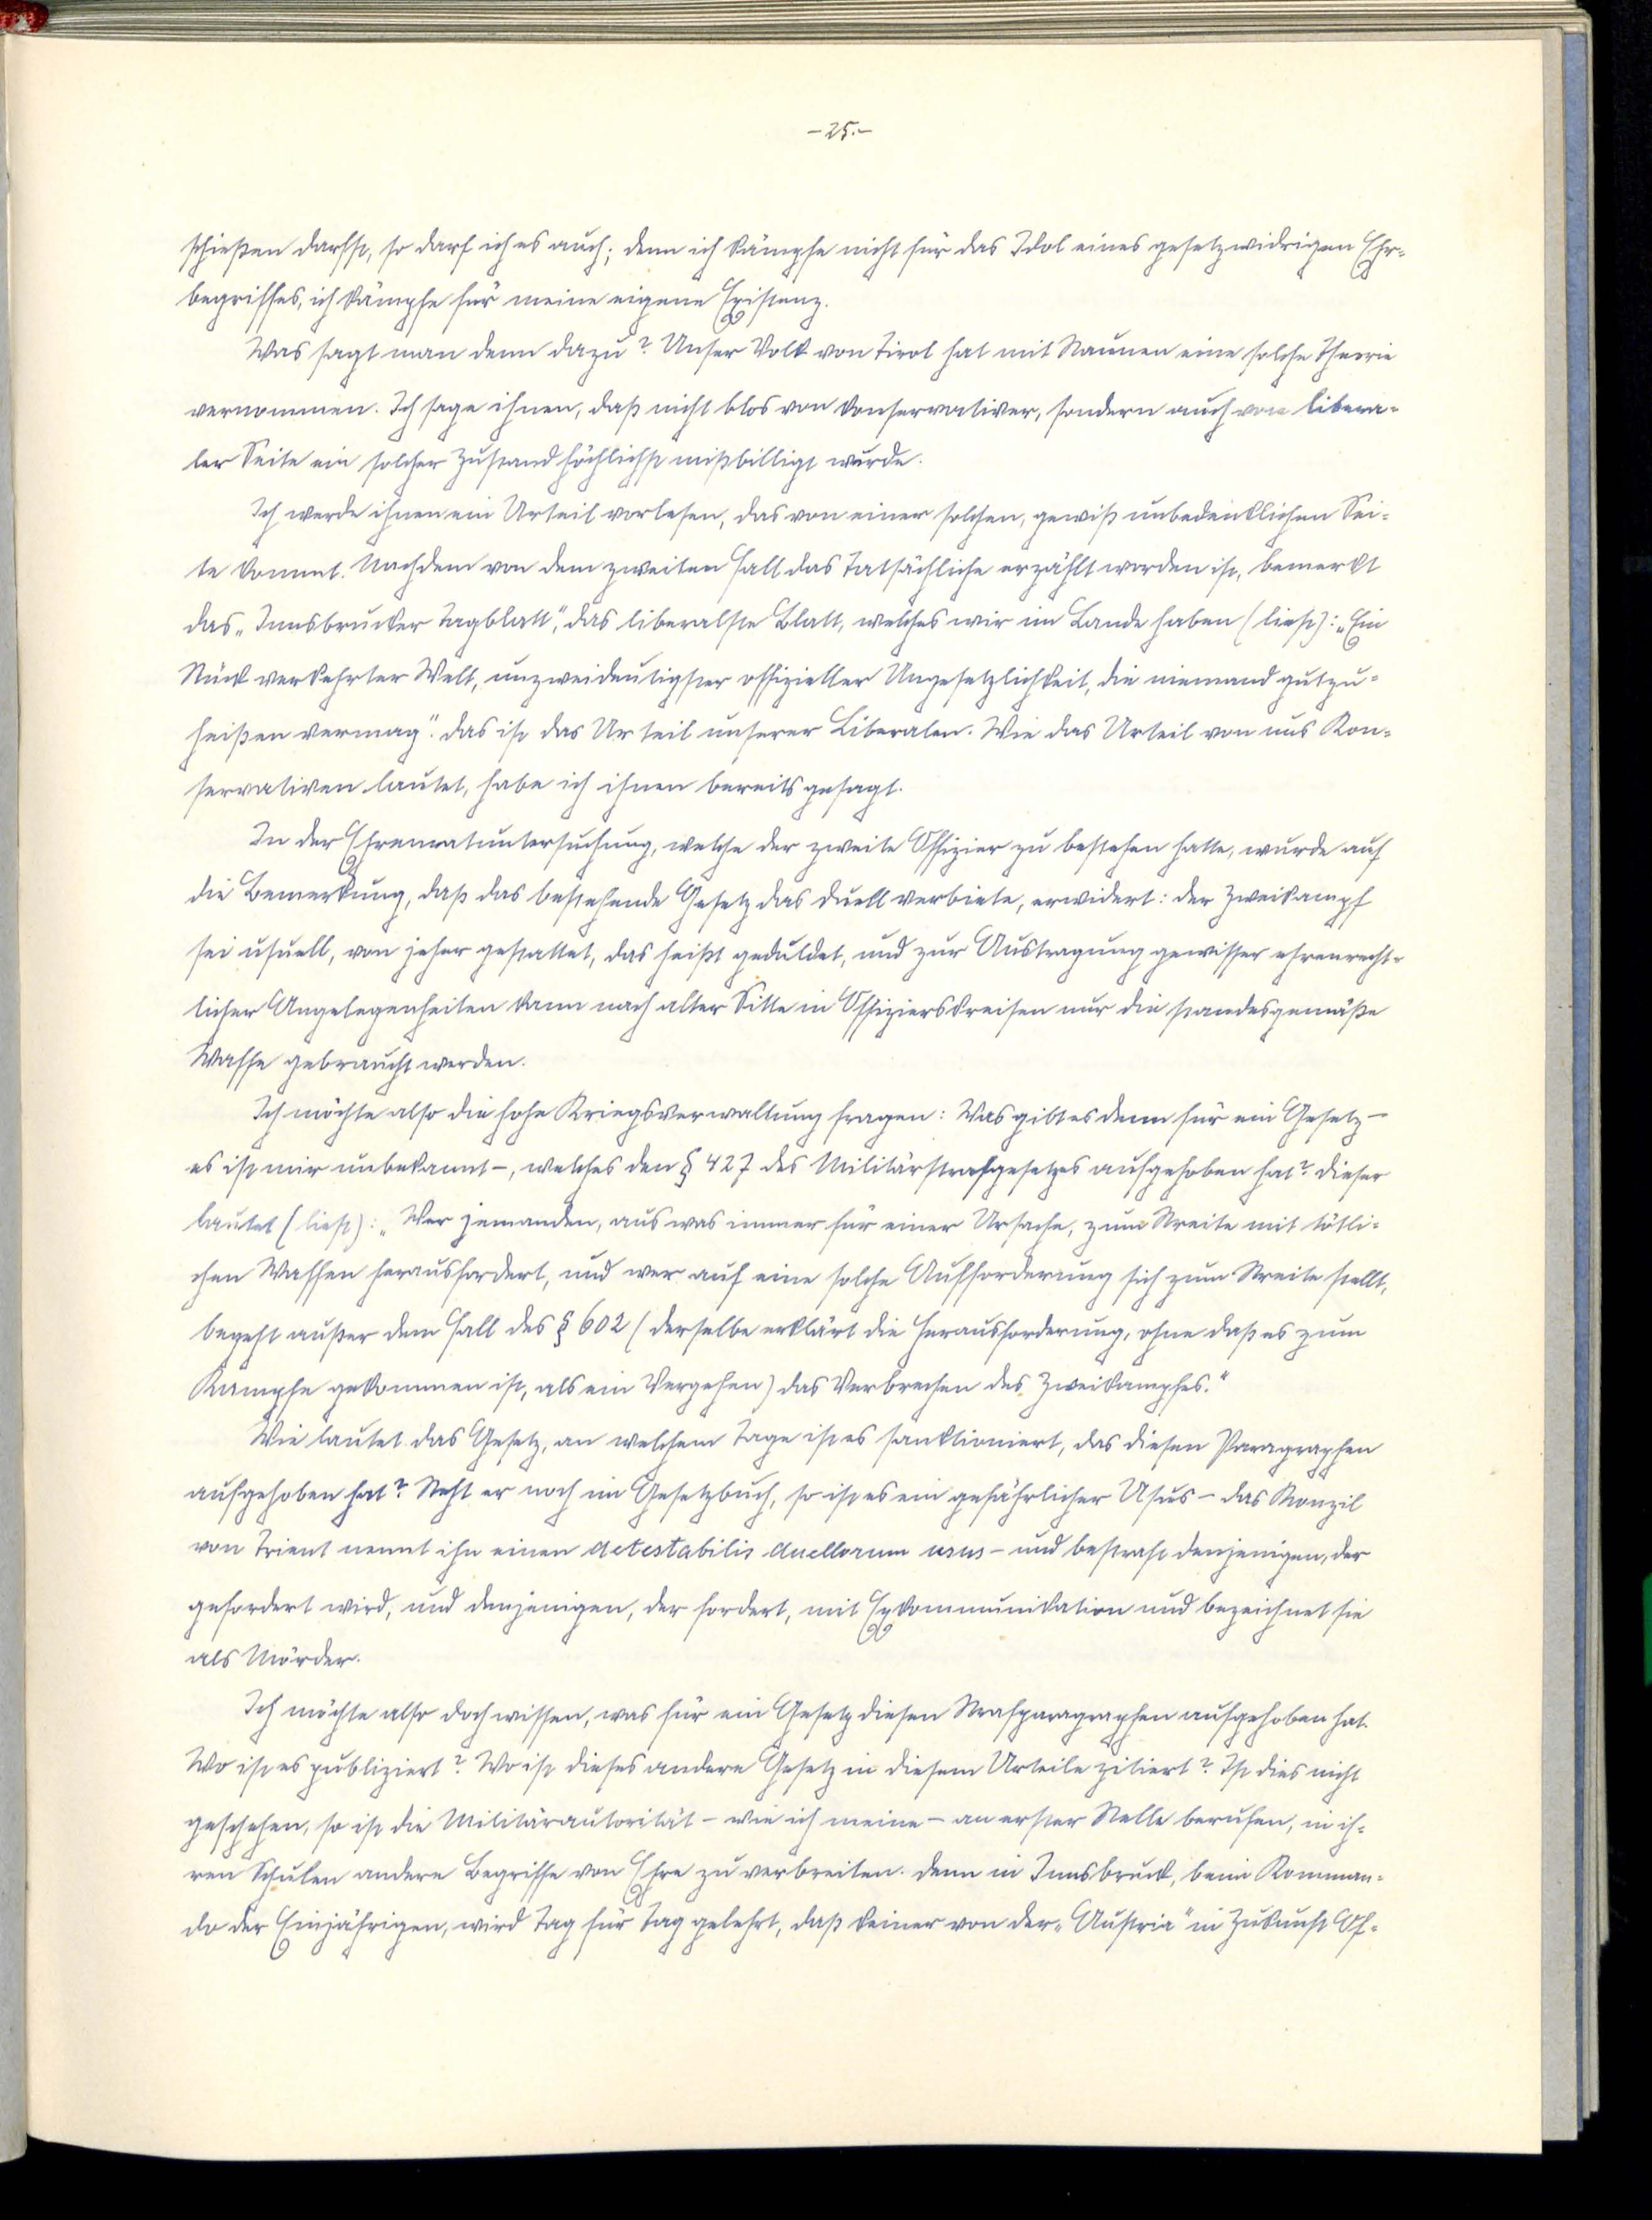25.
schießen darfst, so darf ich es auch; denn ich kämpfe nicht für das Idol eines gesetzwidrigen Ehr-
begriffes, ich kämpfe für meine eigene Existenz.
Was sagt man denn dazu? Unser Volk von Tirol hat mit Staunen eine solche Theorie
vernommen. Ich sage ihnen, daß nicht blos von konservativer, sondern auch von libera-
ler Seite ein solcher Zustand höchlichst mißbilligt wurde.
Ich werde ihnen ein Urteil vorlesen, das von einer solchen, gewiß unbedenklichen Sei-
te komnmt. Nachdem von dem zweiten Fall das Tatsächliche erzählt worden ist, bemerkt
das „Innsbrucker Tagblatt", das liberalste Blatt, welches wir im Lande haben (liest); "Ein
Stück verkehrter Welt, unzweideutigster offizieller Ungesetzlichkeit, die niemand gutzu-
heißen vermag." Das ist das Urteil unserer Liberalen. Wie das Urteil von uns Kon-
servativen lautet, habe ich ihnen bereits gesagt.
In der Ehrenratuntersuchung, welche der zweite Offizier zu bestehen hatte, wurde auf
die Bemerkung, daß das bestehende Gesetz das Duell verbiete, erwidert: Der Zweikampf
sei usuell, von jeher gestattet, das heißt geduldet, und zur Austragung gewisser ehrenrecht-
licher Angelegenheiten kann nach alter Sitte in Offizierskreisen nur die standesgemäße
Waffe gebraucht werden.
Ich möchte also die hohe Kriegsverwaltung fragen: Was gibt es denn für ein Gesetz -
es ist mir unbekannt -, welches den §427 des Militärstrafgesetzes aufgehoben hat? Dieser
lautet (liest): „Wer jemanden, aus was immer für einer Ursache, zum Streite mit tödli-
chen Waffen herausfordert, und wer auf eine solche Aufforderung sich zum Streite stellt,
begeht außer dem Fall des §602 (Derselbe erklärt die Herausforderung, ohne daß es zum
Kampfe gekommen ist, als ein Vergehen) das Verbrechen des Zweikampfes."
Wie lautet das Gesetz, an welchem Tage ist es sanktioniert, das diesen Paragraphen
aufgehoben hat? Steht er noch im Gesetzbuch, so ist es ein gefährlicher Usus - das Konzil
von Trient nennt ihn einen detestabilis duellorum usus - und bestraft denjenigen, der
gefordert wird, und denjenigen, der fordert, mit Exkommunikation und bezeichnet sie
als Mörder.
Ich möchte also doch wissen, was für ein Gesetz diesen Strafparagraphen aufgehoben hat.
Wo ist es publiziert? Wo ist dieses andere Gesetz in diesem Urteile zitiert? Ist dies nicht
geschehen, so ist die Militärautorität - wie ich meine - an erster Stelle berufen, in ih-
ren Schulen andere Begriffe von Ehre zu verbreiten. Denn in Innsbruck, beim Komman-
do der Einjährigen, wird Tag für Tag gelehrt, daß keiner von der „Austria“ in Zukunft Of-